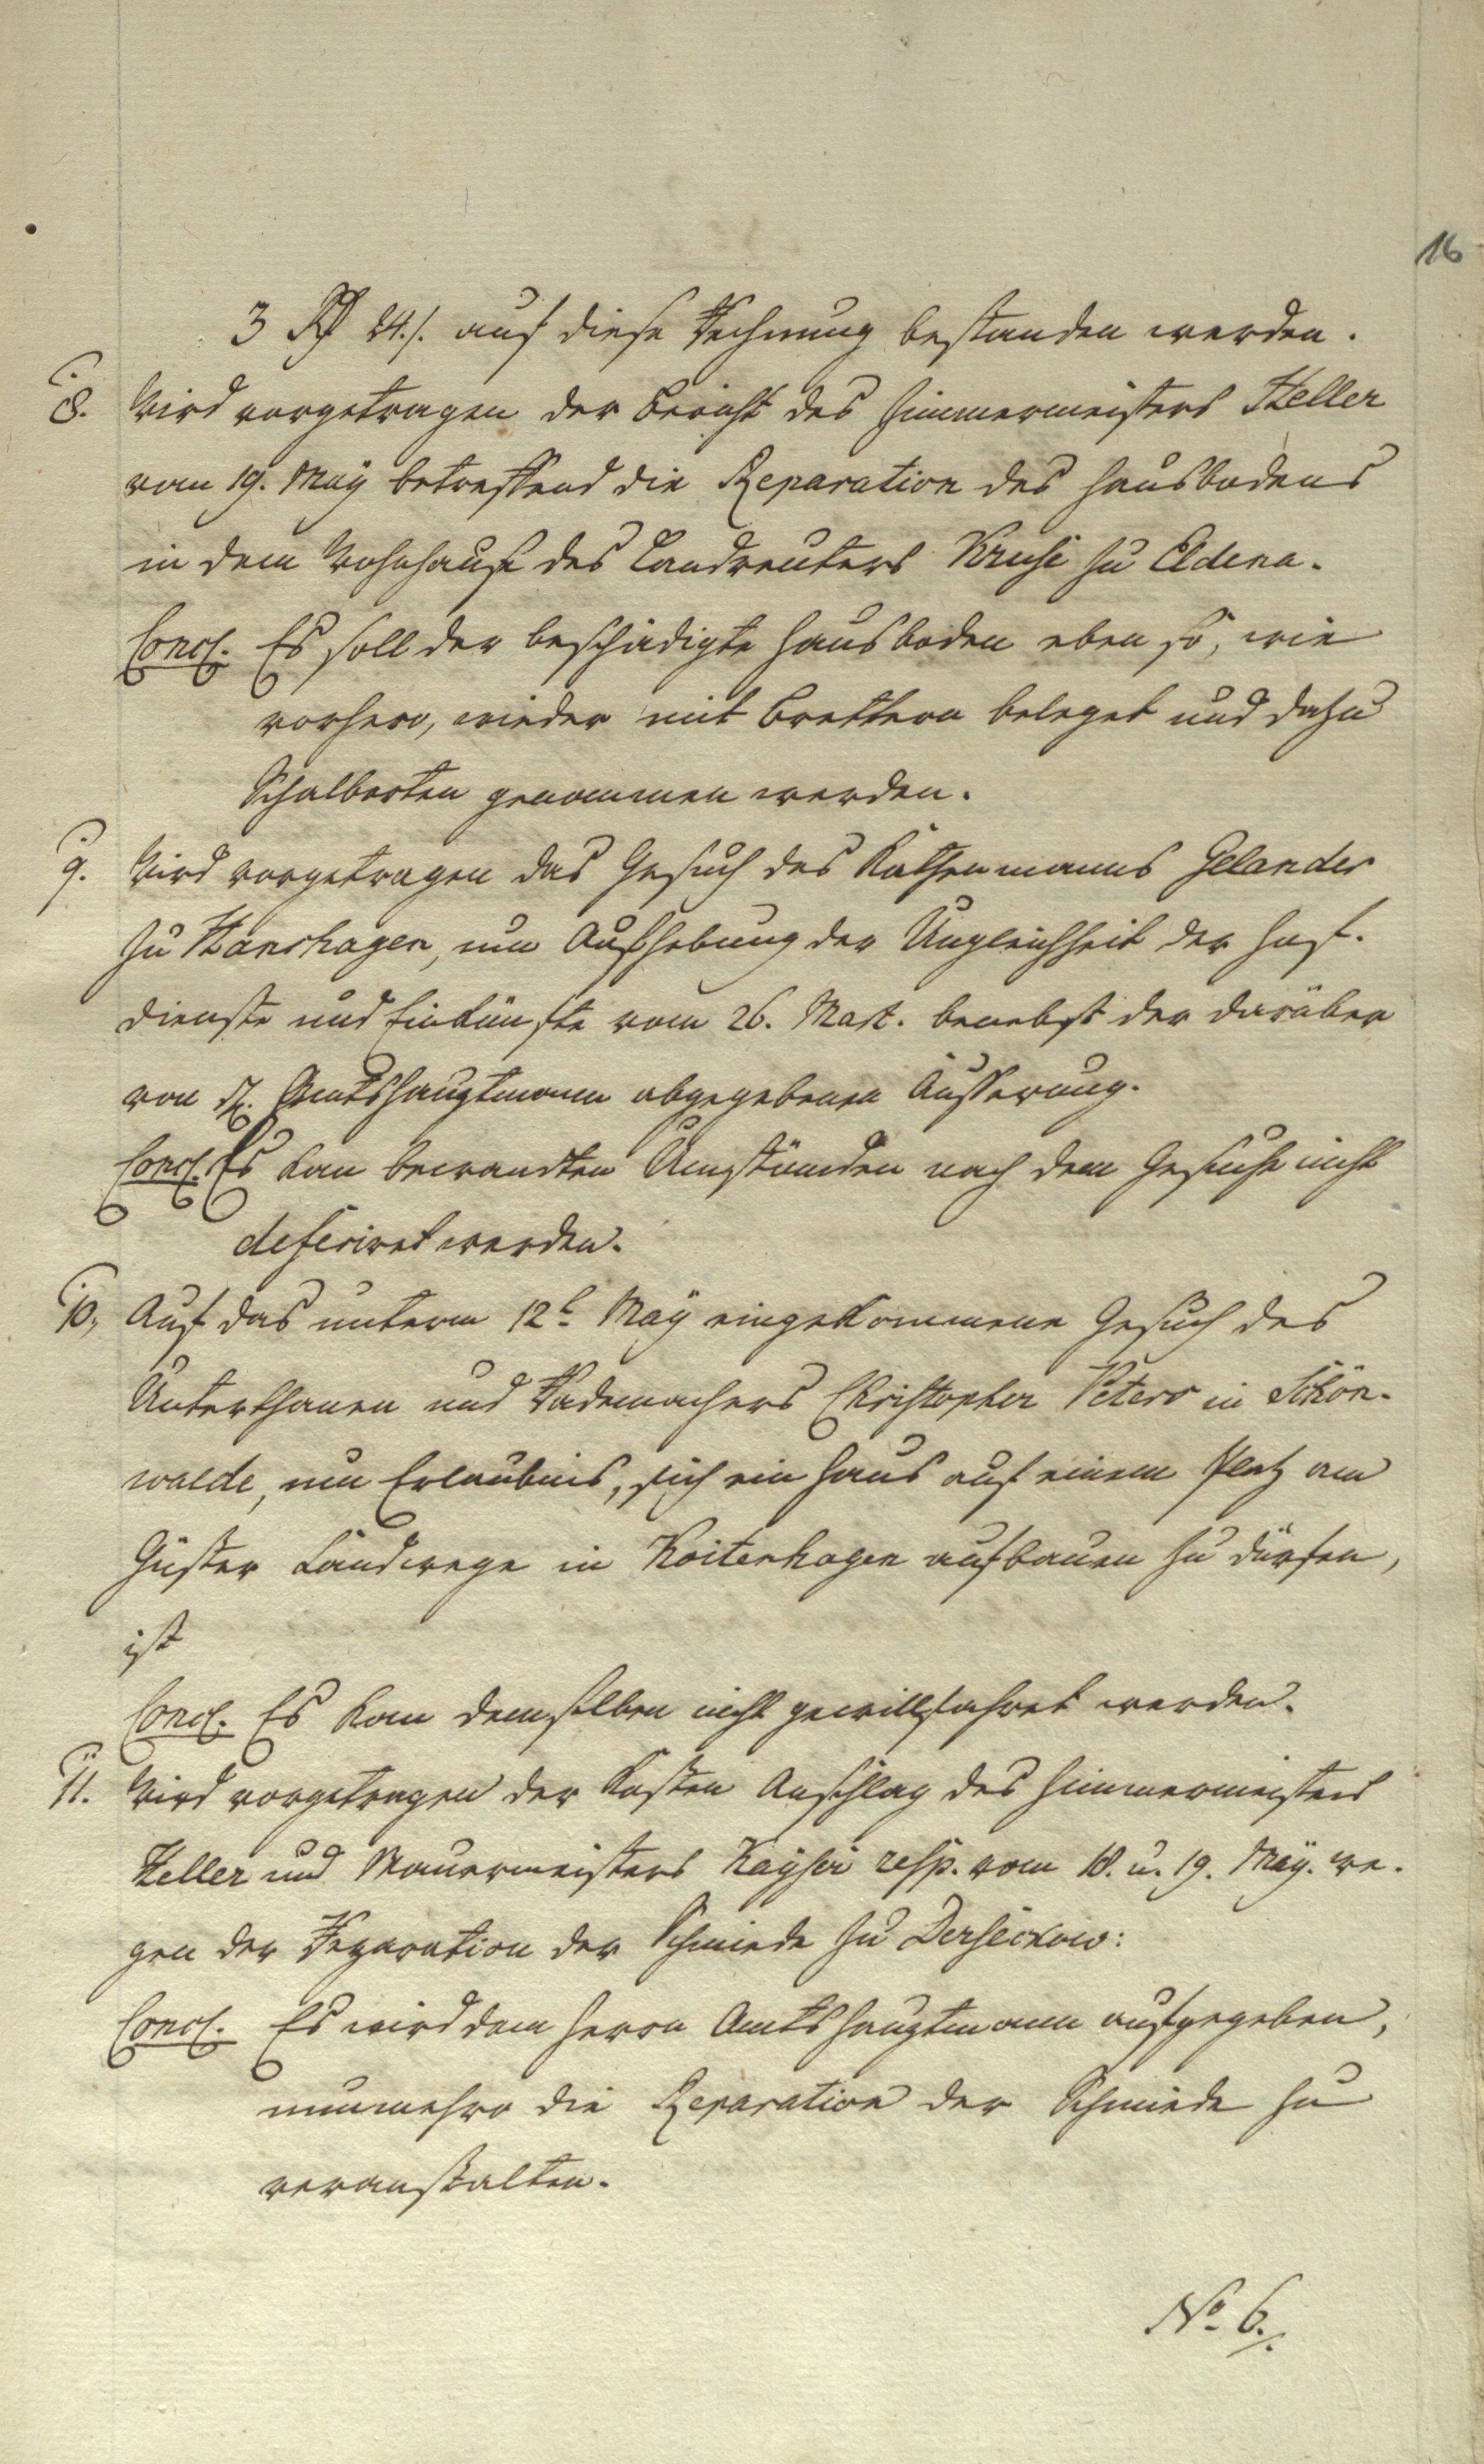Concl. Es kan demselben nicht gewillfahret werden
11. Wird vorgetragen der Kosten Anschlag des Zimmermeisters
Heller und Mauermeisters Kayser resp. vom 18. u. 19. May. we¬
gen der Reparation der Schmiede zu Derseckow:
Concl. Es wird dem Herrn Amtshauptmann aufgegeben,
nunmehro die Reparation der Schmiede zu
veranstalten.
No. 6./.
3 Rthl. 24 s. auf diese Rechnung bestanden werden.
8. Wird vorgetragen der Bericht des Zimmermeisters Heller
vom 19. May betreffend die Reparation des Hausbodens
in dem Wohnhause des Landreuters Kruse zu Eldena.
Concl. Es soll der beschädigte Hausboden eben so, wie
vorhero, wieder mit Brettern beleget und dazu
Schalborten genommen werden.
9. Wird vorgetragen das Gesuch des Kathenmanns Gelander
zu Hanshagen, um Aufhebung der Ungleichheit der Hof¬
dienste und Einkünfte vom 26. Mart. benebst der darüber
von dh. Amtshauptmann abgegebenen Äusserung.
Concl. Es kan bewandten Umständen nach dem Gesuch nicht
deferiret werden.
10., Auf das unterm 12t. May eingekommene Gesuch des
Unterthanen und Rademachers Christopher Peters in Schön¬
walde, um Erlaubnis, sich ein Haus auf einem Platz am
Güster Landwege in Koitenhagen aufbauen zu dürfen,
ist